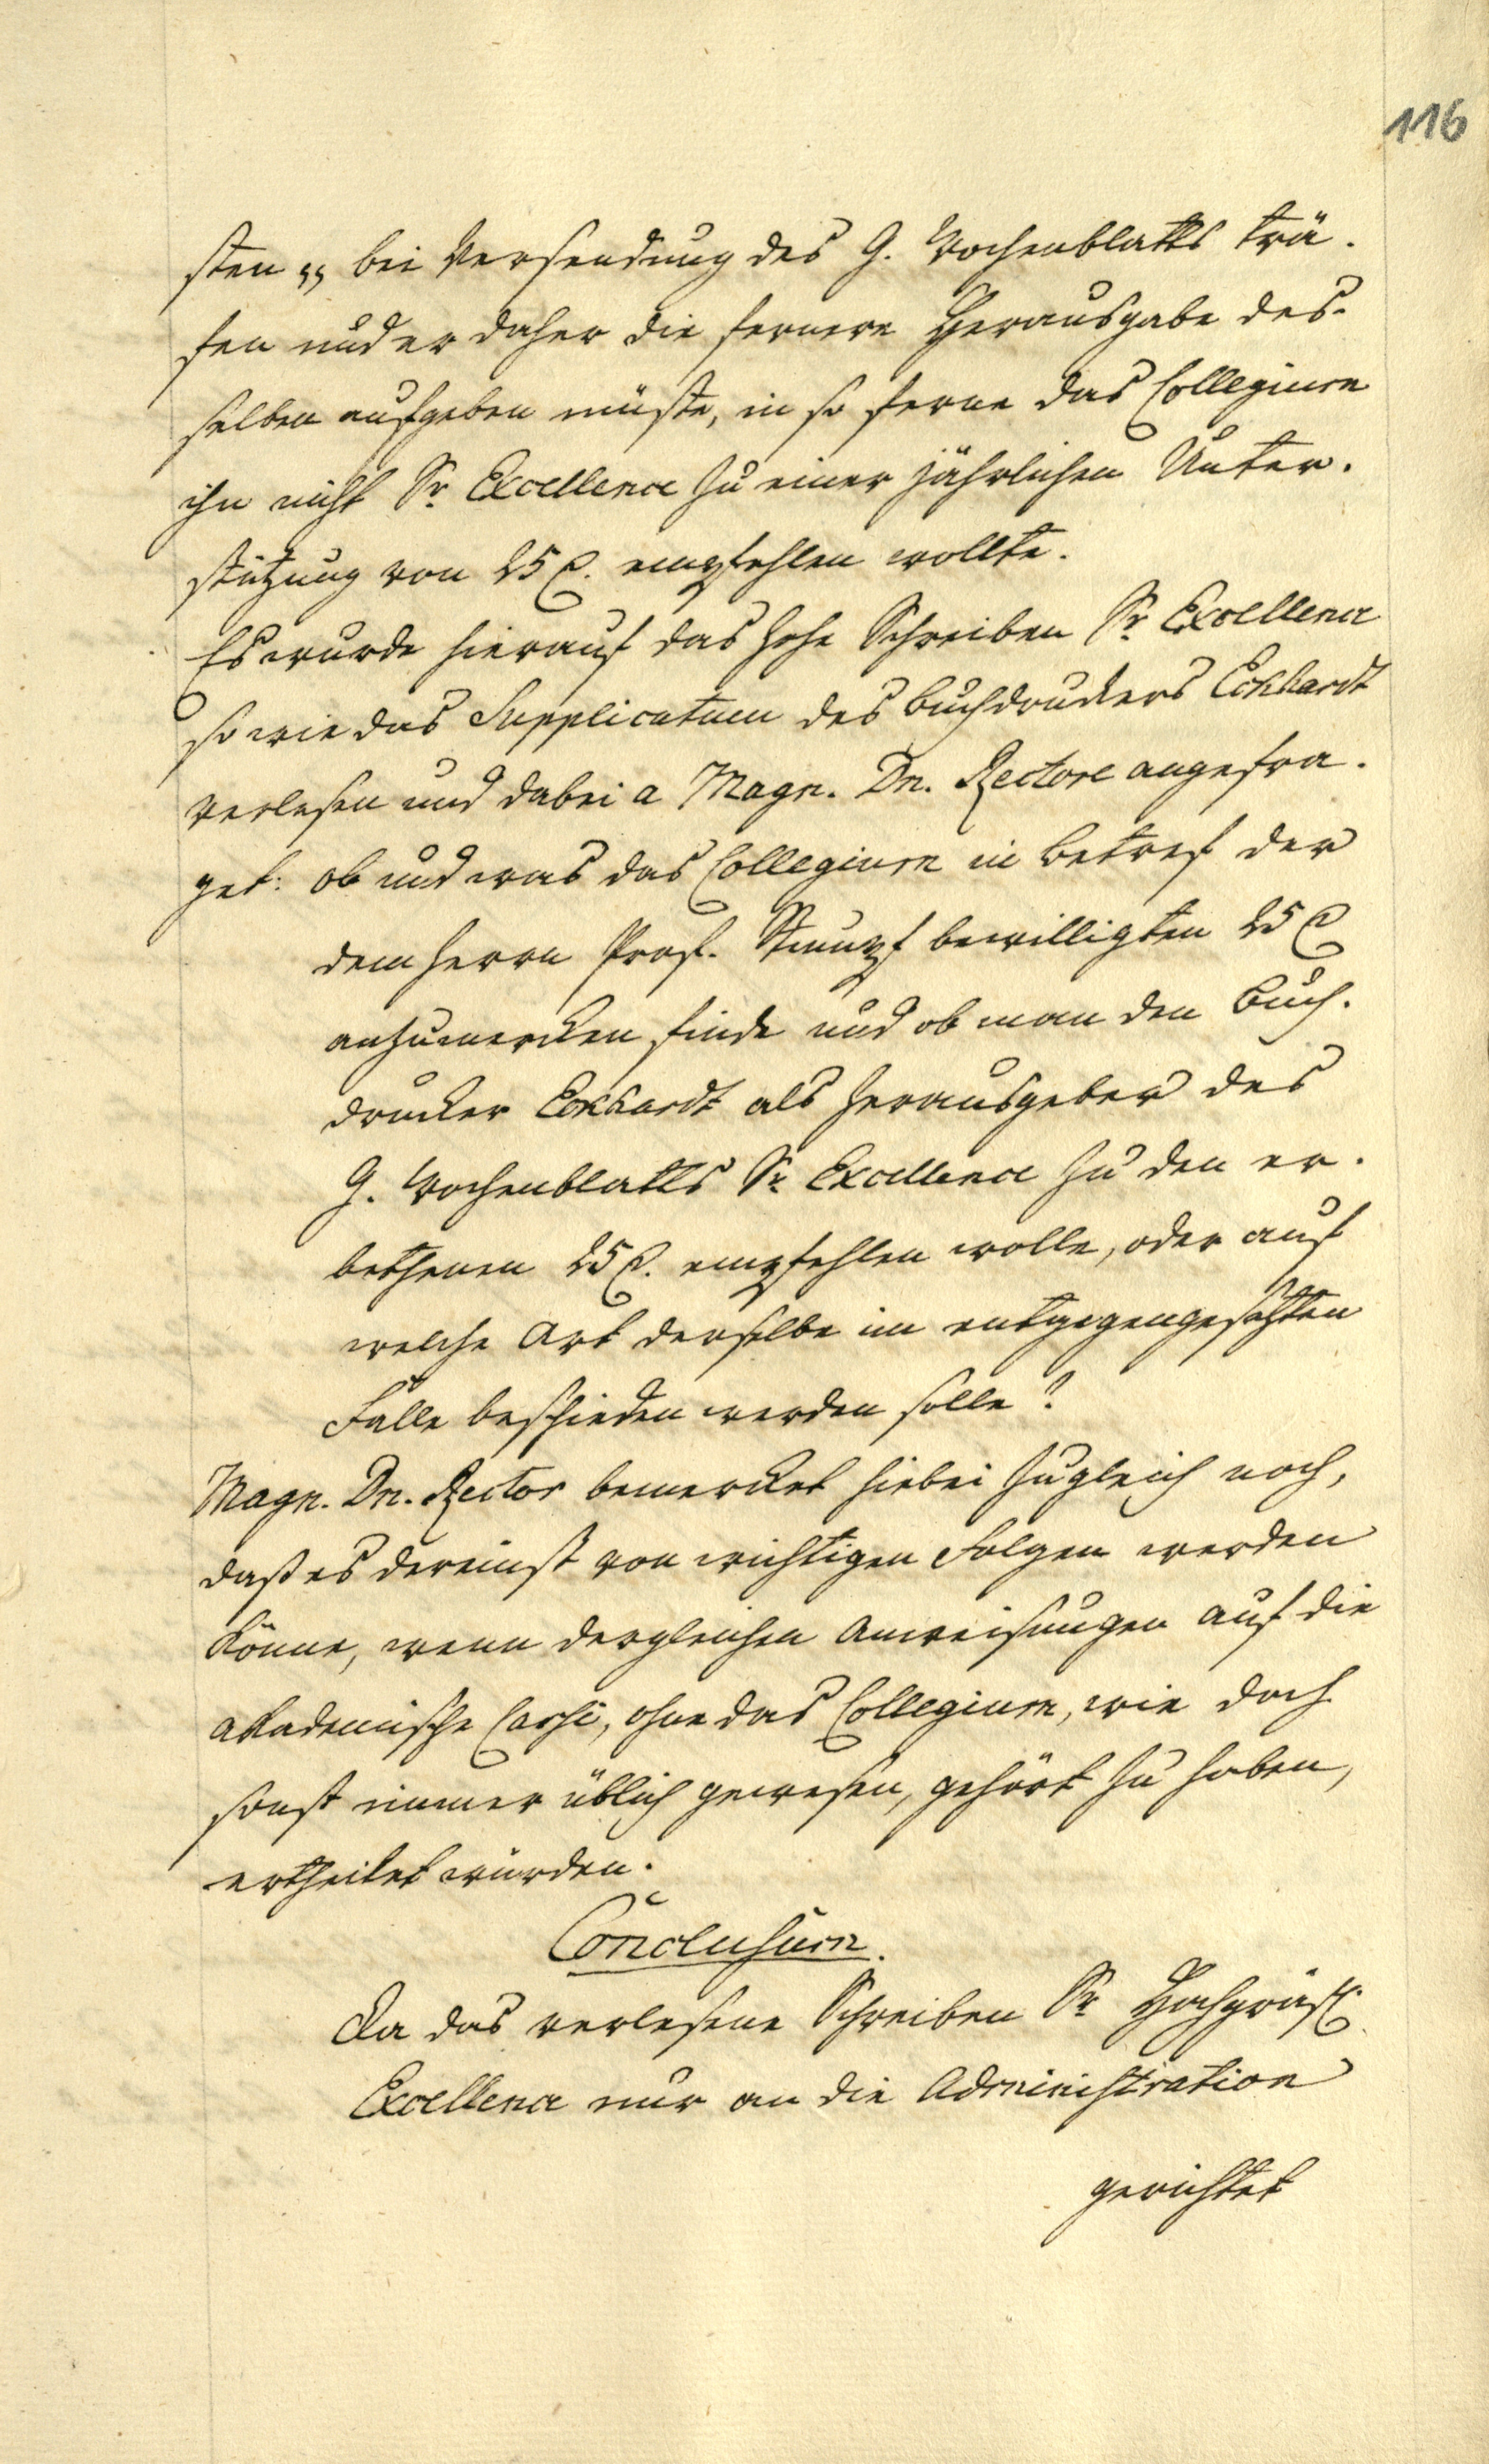sten bei Versendung des G. Wochenblatts trä¬
fen und er daher die fernere Herrausgabe des¬
selben aufgeben müßte, in so ferne das Collegium
ihn nicht Sr Excellence zu einer jährlichen Unter¬
stützung von 25 l. empfehlen wollte.
Es würde hierauf das hohe Schreiben Sr Excellence
so wie das Supplicatum des Buchdruckers Eckhardt
verlesen und dabei a Magn. Dn. Rectore angefra¬
get: ob und was das Collegium in Betref der
dem Herrn Prof. Stumpf bewilligten 25 l.
anzumercken finde und ob man den Buch¬
drucker Eckhardt als Herausgeber des
G. Wochenblatts Sr Excellence zu den er¬
bethenen 25 l. empfehlen wolle, oder auf
welche Art derselbe im entgegengesetzten
Falle beschieden werden solle?
Magn. Dn. Rector bemerket hiebei zugleich noch,
daß es dereinst von wichtigen Folgen werden
könne, wenn dergleichen Anweisungen auf die
akademische Casse, ohne das Collegium, wie doch
sonst immer üblich gewesen, gehört zu haben,
ertheilet würden.
Conclusum.
Da das verlesene Schreiben Sr Hochgräfl.
Excellence nur an die Administration
gerichtet